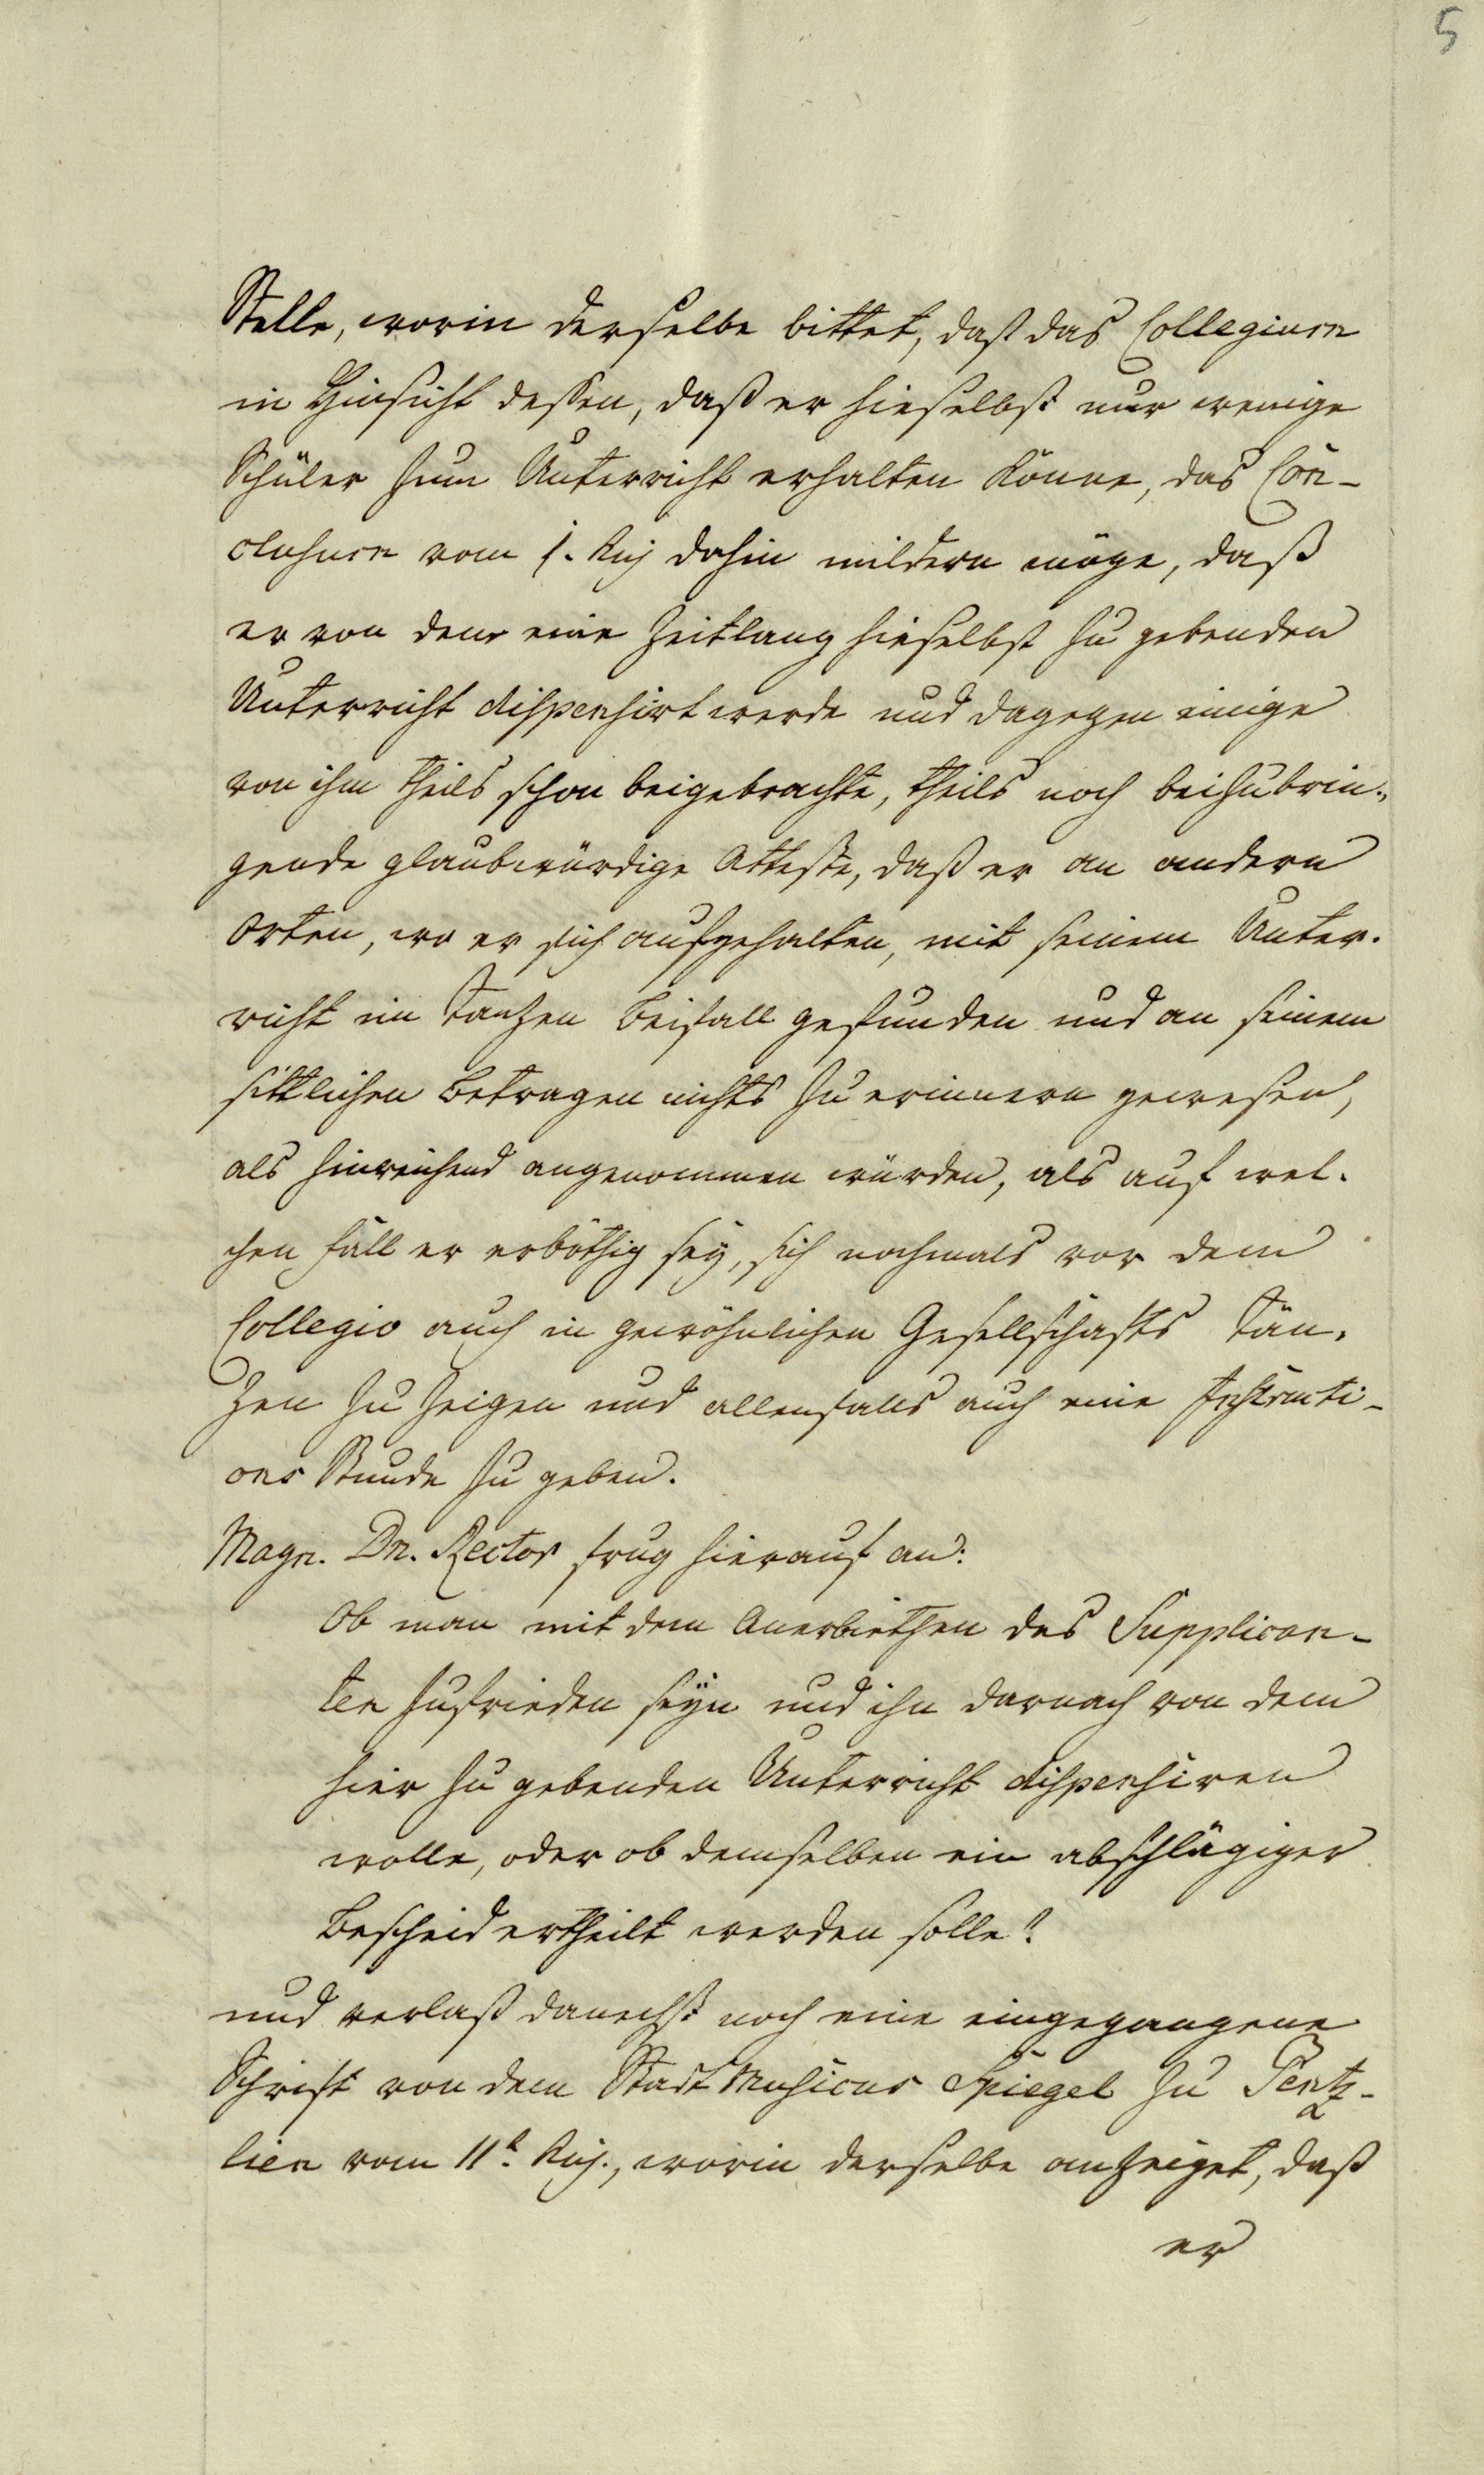Stelle, worin derselbe bittet, daß das Collegium
in Hinsicht dessen, daß er hieselbst nur wenige
Schüler zum Unterricht erhalten könne, das Con¬
clusum vom 1. huj. dahin mildern möge, daß
er von dem eine Zeitlang hieselbst zu gebenden
Unterricht dispensirt werde und dagegen einige
vom ihm theils schon beigebrachte, theils noch beizubrin¬
gende glaubwürdige Atteste, daß er an andern
Orten, wo er sich aufgehalten, mit seinem Unter¬
richt im Tanzen Beifall gefunden und an seinem
sittlichen Betragen nichts zu erinnern gewesen,
als hinreichend angenommen würden, als auf wel¬
chen Fall er erböthig seÿ, sich nochmals vor dem
Collegio auch in gewöhnlichen Gesellschafts Tän¬
zen zu zeigen und allenfalls auch eine Instructi¬
ons Stunde zu geben.
Magn. Dn. Rector frug hierauf an:
Ob man mit dem Anerbiethen des Supplican¬
ten zufrieden seÿn und ihn darauf von dem
hier zu gebenden Unterricht dispensiren
wolle, oder ob demselben ein abschlägiger
Bescheid ertheilt werden solle?
und verlaß danechst noch eine eingegangene
Schrift von dem Stadt Musicus Spiegel zu Pentz¬
lien vom 11t. huj., worin derselbe aufzeiget, daß
er